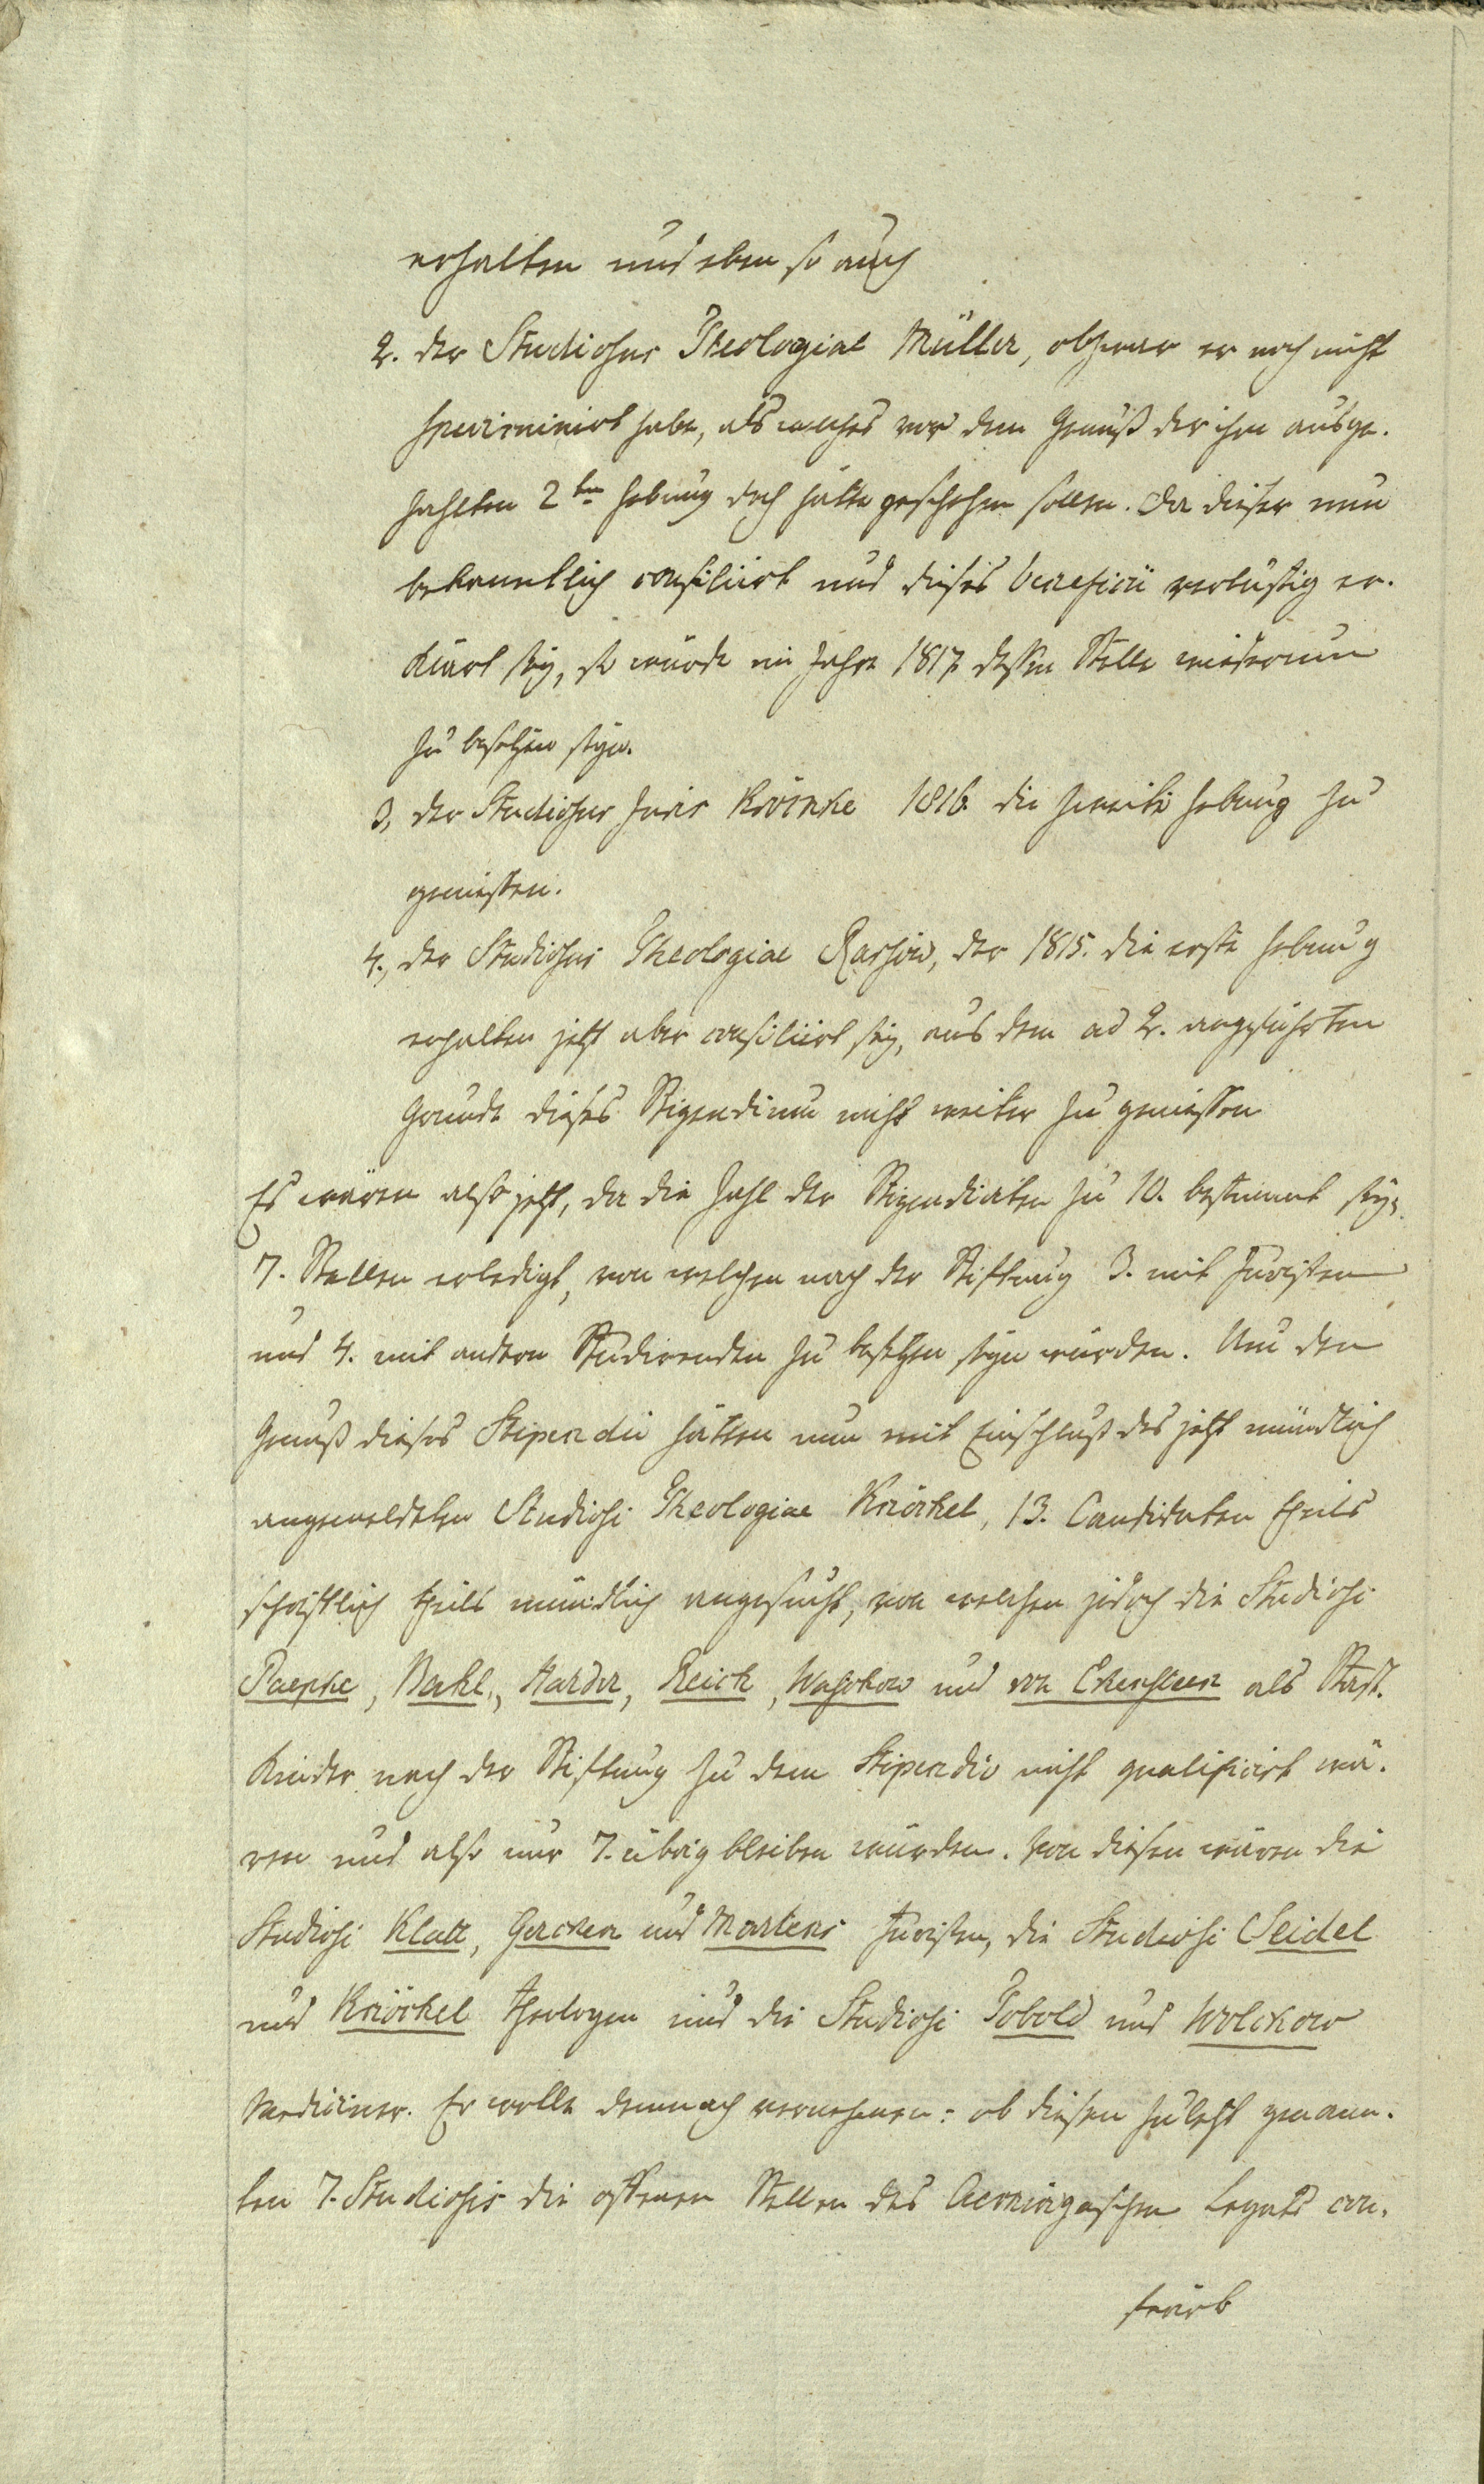erhalten und eben so auch
2. der Studiosus Theologiae Müller, obzwar er noch nicht
speciminirt habe, als welches vor dem Genuß der ihm ausge¬
zahlten 2 ten Hebung doch hätte geschehen sollen. Da dieser nun
bekanntlich consiliirt und dieses beneficii verlustig er¬
klärt seÿ, so würde im Jahre 1817 dessen Stelle wiederum
zu besetzen seÿn.
3, der Studiosus Juris Krömke 1816. die zweite Hebung zu
geniessen.
4, der Studiosus Theologiae Rassow, der 1815. die erste Hebung
erhalten jetzt aber consiliirt seÿ, aus dem ad 2. angeführten
Grunde dieses Stipendium nicht weiter zu geniessen
Es wären also jetzt, da die Zahl der Stipendiaten zu 10. bestimmet seÿ,
7. Stellen erledigt, von welchen nach der Stiftung 3. mit Juristen
und 4. mit andern Studirenden zu besetzen seÿn würden. Um den
Genuß dieses Stipendii hätten nun mit Einschluß des jetzt mündlich
angemeldeten Studiosi Prectgioe Knöchel, 13. Candidaten theils
schriftlich theils mündlich angesucht, von welchen jedoch die Studiosi
Paepke, Bahl, Harder, Reich, Waschow und von Exkensteen als Stadt¬
Kinder nach der Stiftung zu dem Stipendio nicht qualificirt wä¬
ren und also nur 7. übrig bleiben würden. Von diesen wären die
Studiosi Klatt, Gercken und Martens Juristen, die Studiosi Seidel
und Knöchel Theologen und die Studiosi Tobold und Wolckow
Mediciner. Er wolle demnach vernehmen: ob diesen zuletzt genann¬
ten 7. Studiosis die offenen Stellen des Aemingaschen Legats con¬
servirt